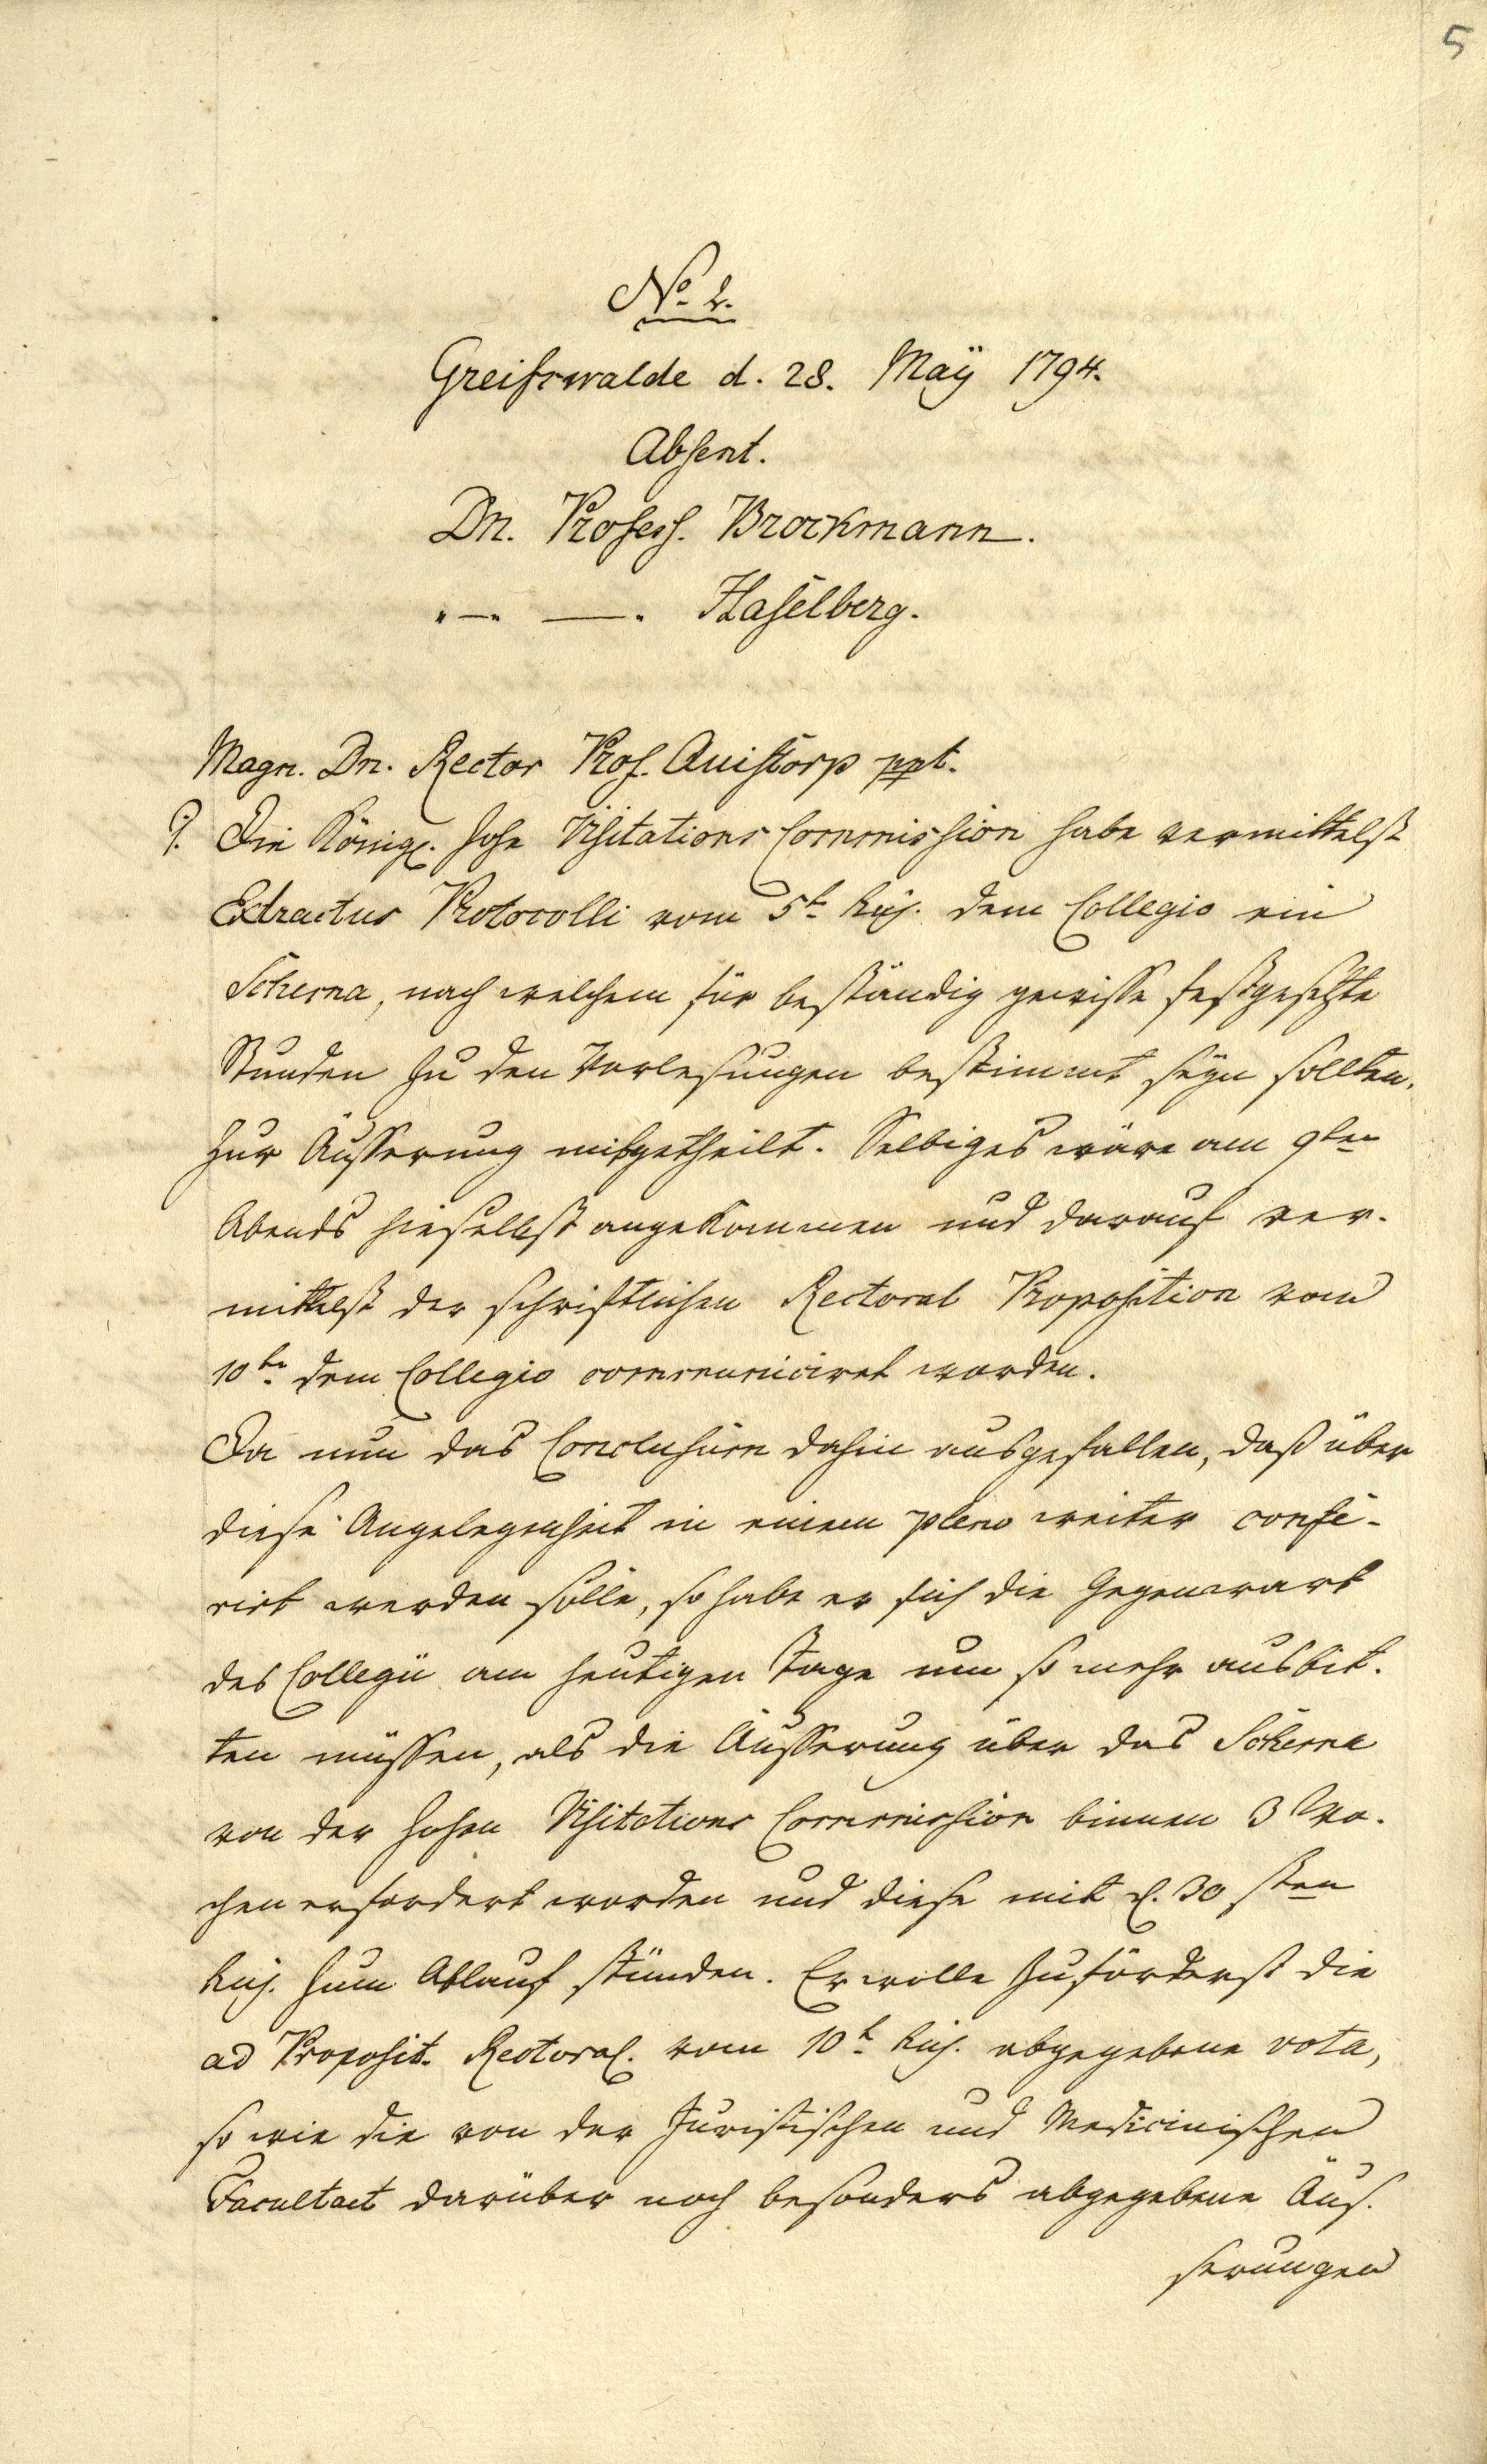No 2.
Greifswalde d. 28. May 1794.
Absent.
Dn. Profess. Brockmann.
" - " - " Haselberg.
Magn. Dn. Recotr. Prof. Quistorp ppt.
1.) Die Königl. Visitations Commission habe vermittelst
Extractus Protocolli vom 5t. huj. dem Collegio ein
Schema, nach welchem für beständig gewisse festgesetzte
Stunden zu den Vorlesungen bestimmt seyn sollten,
zur Äusserung mitgetheilt. Selbiges wäre am 9ten
Abends hieselbst angekommen und darauf ver-
mittelst der schriftlichen Recotrat Proposition vom
10ten dem Collegio communiciret worden.
Da nun das Conclusum dahin ausgefallen, daß über
diese Angelegenheit in einem pleno weiter confe-
rirt werden solle, so habe er sich die Gegenwart
des Collegii am heutigen Tage um so mehr ausbit-
ten müssen, als die Äusserung über das Schema
von der hohen Visitations Commission binnen 3 Wo-
chen erfordert wurden und diese mit d. 30sten
huj. zum Ablauf stünden. Er wolle zuförderst die
ad Proposit. Rectoral. vom 10t huj. abgegebene vota,
so wie die von der Juristischen und Medicinischen
Facultaet darüber noch besonders abgegebene Äus-
serungen